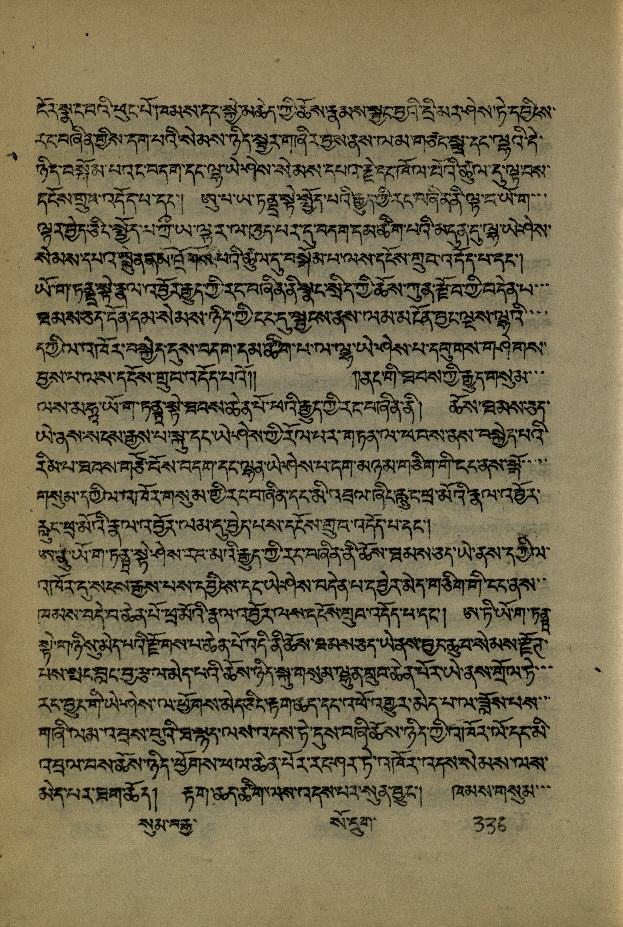ངོར་སྣང་བའི་ཕུང་པོ་ཁམས་དང་སྐྱེ་མཆེད་ཀྱི་ཆོས་རྣམས་སྦྱང་བྱའི་དྲི་མར་ཤེས་ཏེ་དབྱིངས་
རང་བཞིན་གྱིས་དག་པའི་སེམས་ཉིད་སྦྱར་གཞིར་བྱས་ནས་ལམ་གཙང་སྒྲ་དང་ལྷའི་དེ་
ཉིད་བསྒོམ་པའང་བདག་དང་ལྷ་ཡེ་ཤེས་སེམས་དཔའ་རྗེ་དང་ཁོལ་བོའི་ཚུལ་དུ་ལྟ་བས་
དངོས་གྲུབ་འདོད་པ་དང་། ཨུ་པ་ཡ་ཏནྡྲ་སྟེ་སྤྱོད་པའི་རྒྱུད་ཀྱི་རང་བཞིན་ནི་ལྟ་བ་ཡོ་ག་
ལྟར་བྱེད་ཅིང་སྤྱོད་པ་ཀྲྀ་ཡ་ལྟར་ལ་ཁྱད་པར་དུ་བདག་དམ་ཚིག་པའི་མདུན་དུ་ལྷ་ཡེ་ཤེས་
སེམས་དཔའ་སྲུན་ནམ་བྲོགས་པའི་ཚུལ་དུ་བསྒོམ་པ་ལས་དངོས་གྲུབ་འདོད་པ་དང་།
ཡོ་ག་ཏནྡྲ་སྟེ་རྣལ་འབྱོར་རྒྱུད་ཀྱི་རང་བཞིན་ནི་སྣང་སྲིད་ཀྱི་ཆོས་ཀུན་རྫོབ་ཀྱི་བདེན་པ་
ཐམས་ཅད་དོན་དམ་སེམས་ཉིད་ཀྱི་ངང་དུ་སྦྱངས་ནས་ལམ་མངོན་བྱང་ལྔས་ལྷའི་
དཀྱིལ་འཁོར་བསྐྱེད་དུས་བདག་དམ་ཚིག་པ་ལ་ལྷ་ཡེ་ཤེས་པ་དགུགས་གཤེགས་
བྱས་པ་ལས་དངོས་གྲུབ་འདོད་པའོ།། །།ནང་གི་ཐབས་ཀྱི་རྒྱུད་གསུམ་
ལས་མཧཱ་ཡོ་ག་ཏནྟྲ་སྟེ་ཐབས་ཆེན་པོ་ཕའི་རྒྱུད་ཀྱི་རང་བཞིན་ནི། ཆོས་ཐམས་ཅད་
ཡེ་ནས་སངས་རྒྱས་པ་སྐུ་དང་ཡེ་ཤེས་ཀྱི་རོལ་པར་གཏན་ལ་ཕབས་ནས་བསྐྱེད་པའི་
རིམ་པ་ཐབས་གཙོ་བོས་བདག་དང་ལྷན་ཡེ་ཤེས་པ་དག་མཉམ་གཅིག་གི་ངང་ནས་སྒོ་
གསུམ་དཀྱིལ་འཁོར་གསུམ་གྱི་རང་བཞིན་དང་མི་འབྲལ་ཞིང་རླུང་ཕྲ་མོའི་རྣལ་འབྱོར་
རླུང་ཕྲ་མོའི་རྣལ་འབྱོར་ལམ་དུ་བྱེད་པས་དངོས་གྲུབ་འདོད་པ་དང་།
ཨ་ནུ་ཡོ་ག་ཏནྟྲ་སྟེ་ཤེས་རབ་མའི་རྒྱུད་ཀྱི་རང་བཞིན་ནི་ཆོས་ཐམས་ཅད་ཡེ་ནས་དཀྱིལ་
འཁོར་དུ་སངས་རྒྱས་པས་དབྱིངས་དང་ཡེ་ཤེས་བདེན་པ་དབྱེར་མེད་གཅིག་གི་ངང་ནས་
ཁམས་བདེ་བ་ཆེན་པོ་ཕྲ་མོའི་རྣལ་འབྱོར་ལས་དངོས་གྲུབ་འདོད་པ་དང་། ཨ་ཏི་ཡོ་ག་ཏནྟྲ་
སྟེ་གཉིས་སུ་མེད་པའི་རྫོགས་པ་ཆེན་པོ་འདི་ནི་ཆོས་ཐམས་ཅད་ཡེ་ནས་བྱང་ཆུབ་སེམས་རྫོགས་
པས་སྤང་བླང་བྱ་རྩལ་མེད་པའི་ཆོས་ཉིད་སྐུ་གསུམ་ལྷུན་གྲུབ་ཆེན་པོར་ཡེ་ནས་གྲོལ་ཏེ་
རང་བྱུང་གི་ཡེ་ཤེས་ལ་ཕྱོགས་མེད་ཅིང་རྟག་ཆད་དང་འཕོ་འགྱུར་མེད་པ་ལ་ཟློས་པས་
གཞི་ལམ་འབྲས་བུའི་ཐ་སྙད་ལས་འདས་ཏེ་དུས་བཞི་ཆོས་ཉིད་ཀྱི་འཁོར་ལོ་དང་མི་
འབྲལ་བས་ཆོས་ཉིད་ཕྱོགས་ཕལ་ཆེན་པོར་རང་ཤར་ཏེ་འཁོར་འདས་སེམས་ལས་
མེད་པར་ཐག་ཆོད། རྟག་ཆད་ཚིག་ལས་འདས་པར་སུན་བྱུང་། ཁམས་གསུམ་